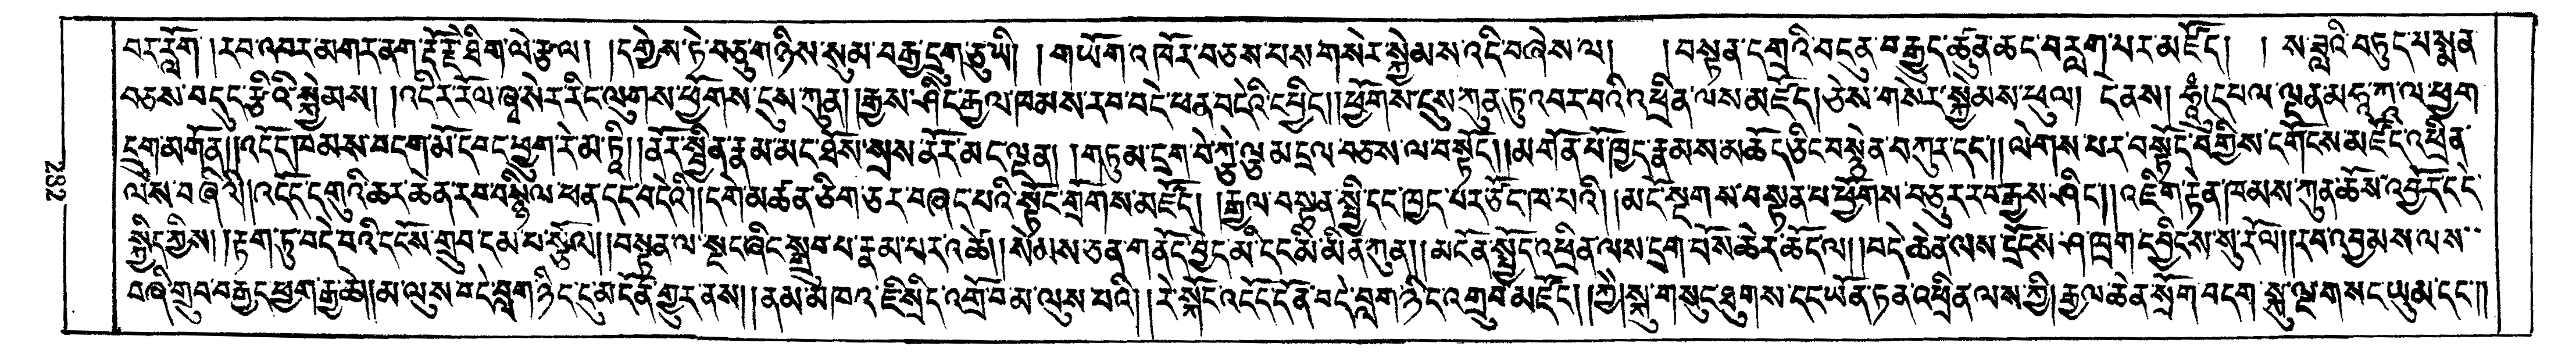བར་རློག །རབ་འབར་མགར་ནག་རྡོ་རྗེ་ཐིག་ལེ་རྩལ། །དགྱེས་ཏེ་བཅུ་གཉིས་སུམ་བརྒྱ་དྲུག་ཅུ་ཡི། །གཡོག་འཁོར་བཅས་པས་གསེར་སྐྱེམས་འདི་བཞེས་ལ། །བསྟན་དགྲའི་བདུན་བརྒྱུད་ཚུན་ཆད་བརླག་བར་མཛོད། །ས་ཟླའི་བཏུང་བ་སྨན་
བཅས་བདུད་རྩིའི་སྐྱེམས། །འདིར་རོལ་ཞྭ་སེར་རིང་ལུགས་ཕྱོགས་དུས་ཀུན། །རྒྱས་ཤིང་རྒྱལ་ཁམས་རབ་བདེ་ཕན་བདེའི་དཔྱིད། །ཕྱོགས་དུས་ཀུན་ཏུ་འབར་བའི་འཕྲིན་ལས་མཛོད། ཅེས་གསེར་སྐྱེམས་ཕུལ། དེ་ནས། ཧཱུཾ༑ དཔལ་ལྡན་མཧཱ་ཀཱ་ལ་ཕྱག་
དྲུག་མགོན། །འདོད་ཁམས་བདག་མོ་དབང་ཕྱུག་རེ་མ་ཏཱི། །ནོར་སྤྱིན་རྣམ་མང་ཐོས་སྲས་ནོར་མང་ལྡན། །གཏུམ་དྲག་བེཀྩེ་ལྕམ་དྲལ་བཅས་ལ་བསྟོད། །མགོན་པོ་ཁྱེད་རྣམས་མཆོད་ཅིང་བསྙེན་བཀུར་དང་། །ལེགས་པར་བསྟོད་བགྱིས་དགོངས་མཛོད་འཕྲིན་
ལས་བཞིའི། །འདོད་དགུའི་ཆར་ཆེན་རབ་བསྙིལ་ཕན་དང་བདེའི། །དགེ་མཚན་ཅིག་ཅར་བཞད་པའི་སྟོང་གྲོགས་མཛོད། །རྒྱལ་བསྟན་སྤྱི་དང་ཁྱད་པར་ཙོང་ཁ་པའི། །མདོ་སྔགས་བསྟན་པ་ཕྱོགས་བཅུར་རབ་རྒྱས་ཤིང་། །འཇིག་རྟེན་ཁམས་ཀུན་ཆོས་འབྱོར་བ་དེ་
སྐྱིད་ཀྱིས། །རྟག་ཏུ་བདེ་བའི་དངོས་གྲུབ་དམ་པ་སྩོལ། །བསྟན་ལ་སྡང་ཞིང་སྒྲུབ་ལ་རྣམ་པར་འཚེ། །སེམས་ཅན་གནོད་བྱེད་མི་དང་མི་མིན་ཀུན། །མངོན་སྦྱོང་འཕྲིན་ལས་དྲག་པོས་ཚར་ཆོད་ལ། །བདེ་ཆེན་ལས་དྲོངས་ཤ་ཁྲག་དབྱིངས་སུ་རོལ། །རབ་འབྱམས་ལས་
བཞི་གྲུབ་བརྒྱད་ཕྱག་རྒྱ་ཆེ། །མ་ལུས་བདེ་བླག་ཉིད་དུ་མངོན་གྱུར་ནས། །ནམ་མཁའ་ཇི་སྲིད་འགྲོ་བ་མ་ལུས་པའི། །རེ་སྐོང་འདོད་དོན་བདེ་བླག་ཉིད་འགྲུབ་མཛོད། །ཀྱཻ༑ སྐུ་གསུང་ཐུགས་དང་ཡོན་ཏན་འཕྲིན་ལས་ཀྱི། །རྒྱལ་ཆེན་སྲོག་བདག་སྐུ་ལྔ་གསང་ཡུམ་དང།།